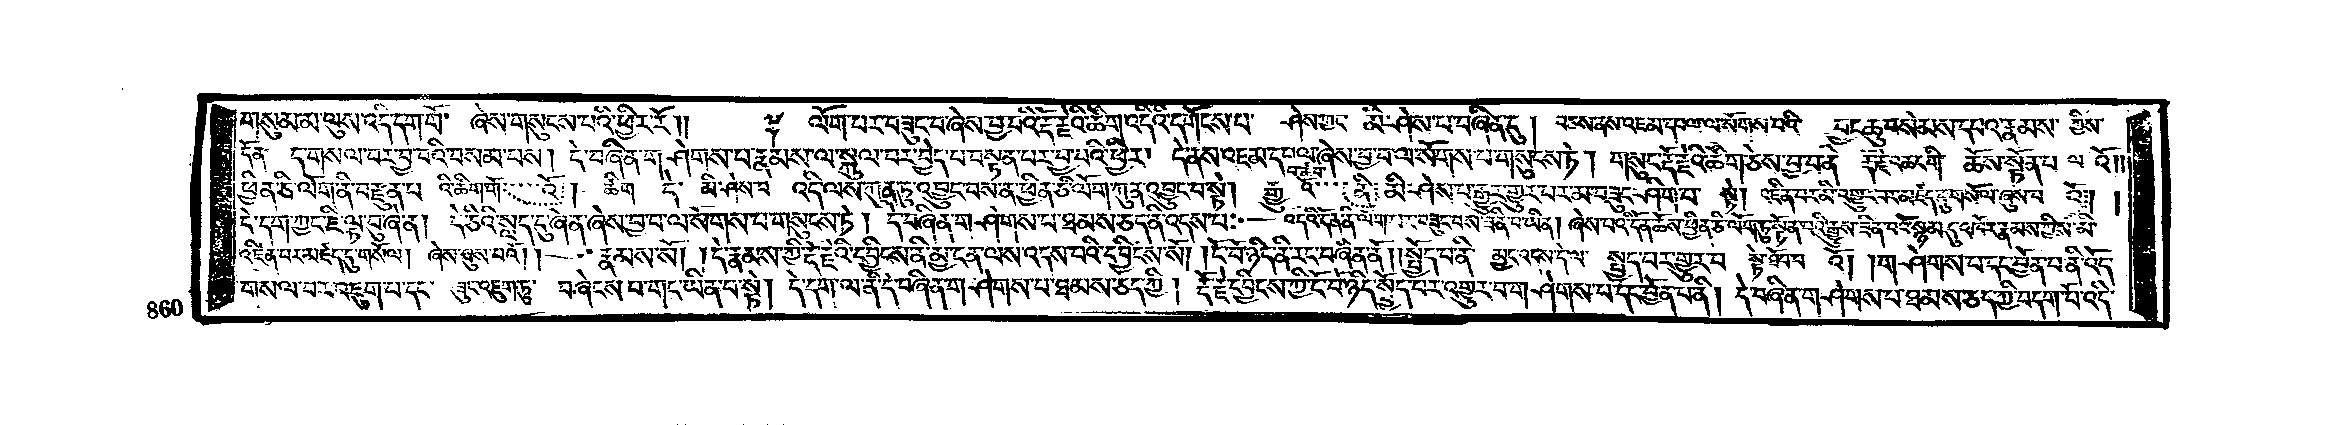གསུམ་མ་ལུས་འདི་དག་གོ །ཞེས་གསུངས་པའི་ཕྱིར་རོ།། ༈ ལོག་པར་བཟུང་བ་ཞེས་བྱ་བའི་རྡོ་རྗེའི་ཚིག་འདིའི་དགོངས་པ་ཤེས་ཀྱང་མི་ཤེས་པ་བཞིན་དུ། བཅོས་ནས་འཇམ་དཔལ་ལ་སོགས་པའི་བྱང་ཆུབ་སེམས་དཔའ་རྣམས་ཀྱིས་
དོན་དེ་གསལ་བར་བྱ་བའི་བསམ་པས། དེ་བཞིན་གཤེགས་པ་རྣམས་ལ་སྐུལ་བར་བྱེད་པ་བསྟན་པར་བྱ་བའི་ཕྱིར། དེ་ནས་འཇམ་དཔལ་ཞེས་བྱ་བ་ལ་སོགས་པ་གསུངས་ཏེ། གསུང་རྡོ་རྗེའི་ཚིག་ཅེས་བྱ་བ་ནི་རྡོ་རྗེ་འཆང་གི་ཆོས་སྟོན་པ་ལའོ།།
ཕྱིན་ཅི་ལོག་ནི་བརྫུན་པའི་ཚིག་གོ་འོ། ཚིག་དེ་མི་ཤེས་པ་འདི་ལས་ཀུན་ཏུ་འབྱུང་བས་ན་ཕྱིན་ཅི་ལོག་ཀུན་འབྱུང་བ་སྟེ། རྒྱུའོ་པ་ཚབ་ནི་མི་ཤེས་པ་རྒྱུར་གྱུར་པར་མ་བཟུང་ཤིག་པ་སྟེ། འཛིན་པར་མི་འགྱུར་བར་མཛད་དུ་གསོལ་ཞུས་པའོ། །
དེ་དག་ཀྱང་ཇི་ལྟ་བུ་ཞེ་ན། དེ་ཅིའི་སླད་དུ་ཞེན་ཞེས་བྱ་བ་ལ་སོགས་པ་གསུངས་ཏེ། དེ་བཞིན་གཤེགས་པ་ཐམས་ཅད་ནི་འདས་པཿ་འདིའི་དོན་ནི་ལོག་པར་བཟུང་བས་ཟིན་པ་ཡིན། ཞེས་པའི་དོན་ཆོས་ཕྱིན་ཅི་ལོག་ཏུ་སྟོན་པའི་རྒྱུས་ཟིན་པའི་སྙམ་དུ་འཁོར་རྣམས་ཀྱིས་མི་
འཛིན་པར་མཛད་དུ་གསོལ། ཞེས་ཞུས་པའོ། །.H རྣམས་སོ། །དེ་རྣམས་ཀྱི་རྡོ་རྗེའི་དབྱིངས་ནི་མྱ་ངན་ལས་འདས་པའི་དབྱིངས་སོ། །ངོ་བོ་ཉིད་ནི་རང་བཞིན་ནོ། །སྤྱོད་པ་ནི་མྱང་འདས་དེ་ལ་སྤྱད་པར་གྱུར་པ་སྟེ་ཐོབ་པའོ། །གཤེགས་པ་དང་བྱོན་པ་ནི་འོད་
གསལ་བར་འཇུག་པ་དང་ཟུང་འཇུག་ཏུ་བཞེངས་པ་གང་ཡིན་པ་སྟེ། དེ་དག་ལ་ནི་དེ་བཞིན་གཤེགས་པ་ཐམས་ཅད་ཀྱི། རྡོ་རྗེ་དབྱིངས་ཀྱི་ངོ་བོ་ཉིད་སྤྱོད་པར་འགྱུར་བ་གཤེགས་པ་དང་བྱོན་པ་ནི། དེ་བཞིན་གཤེགས་པ་ཐམས་ཅད་ཀྱི་བདག་པོ་འདི་